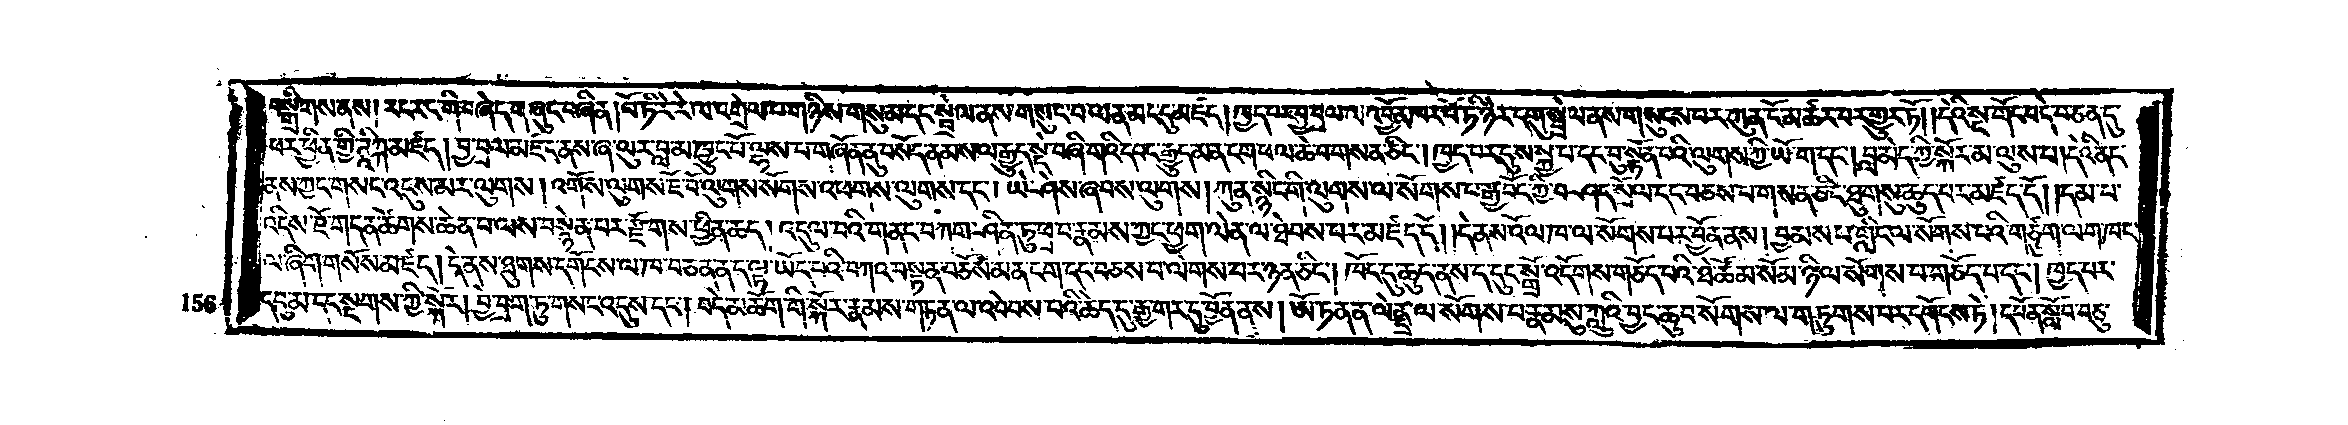བསྒྲིགས་ནས། རང་རང་གི་བཞེད་གཞུང་བཞིན། པོ་ཏི་རེ་རེ་ལ་འགྲེལ་པ་གཉིས་གསུམ་དང་སྦྲེལ་ནས་གསུང་བ་ལན་མང་དུ་མཛད། ཁྱད་པར་བྱ་བྲལ་ལ་འབྱོན་ཁར་པོ་ཏི་ཉེར་དགུ་སྦྲེལ་ནས་གསུངས་པར་ཀུན་ངོ་མཚར་བར་གྱུར་ཏོ། །དེའི་སྔ་གོང་བདེ་བ་ཅན་དུ་
ཕར་ཕྱིན་གྱི་ཊཱིཀྐ་མཛད། བྱ་བྲལ་མཛད་ནས་ཞ་ལུར་བླ་མ་ཁྱུང་པོ་ལྷས་པ་གཞོན་ནུ་བསོད་ནམས་ལ་རྒྱུད་སྡེ་བཞི་གའི་དབང་རྒྱུད་མན་ངག་ཕལ་ཆེ་བ་གསན་ཅིང་། ཁྱད་པར་དུས་སྐྱ་པ་དང་བུ་སྟོན་པའི་ལུགས་ཀྱི་ཡོ་ག་དང་། བླ་མེད་ཀྱི་སྐོར་མ་ལུས་པ་།དེའི་ནད་
ནས་ཀྱང་གསང་འདུས་མར་ལུགས། འགོས་ལུགས་ཇོ་བོ་ལུགས་སོགས་འཕགས་ལུགས་དང་། ཡེ་ཤེས་ཞབས་ལུགས། ཀུན་སྙིང་གི་ལུགས་ལ་སོགས་པ་རྒྱ་བོད་ཀྱི་བཤད་སྲོལ་དང་བཅས་པ་གསན་ཅིང་ཐུགས་སུ་ཆུད་པར་མཛད་དོ། །དམ་པ་
འདིས་ཐོ་གདན་ཚེགས་ཆེན་པ་ལས་བསྙེན་པར་རྫོགས་ཕྱིན་ཆད། འདུལ་བའི་གནང་བཀག་ཤིན་ཏུ་ཕྲ་བ་རྣམས་ཀྱང་ཕྱག་ལེན་ལ་ཐེབས་པར་མཛད་དོ། །དེ་ནས་འོལ་ཁ་ལ་སོགས་པར་བྱོན་ནས། བྱམས་པ་གླིང་ལ་སོགས་པའི་གཙུག་ལག་ཁང་
ལ་ཞིག་གསོས་མཛད། དེ་ནས་ཐུགས་དགོངས་ལ་ཁ་བ་ཅན་ན་ད་ལྟ་ཡོད་པའི་བཀའ་བསྟན་བཅོས་མན་ངག་དང་བཅས་པ་ལེགས་པར་ཉན་ཅིང་། ཁོང་དུ་ཆུད་ནས་ད་དུང་སྒྲོ་འདོགས་གཅོད་པའི་ཐེ་ཚོམ་སོམ་ཉི་ལ་སོགས་པ་གཅོད་པ་དང་། ཁྱད་པར་
དབུ་མ་དང་སྔགས་ཀྱི་སྐོར། བྱེ་བྲག་ཏུ་གསང་འདུས་དང་། བདེ་མཆོག་གི་སྐོར་རྣམས་གཏན་ལ་འབེབས་པའི་ཆེད་དུ་རྒྱ་གར་དུ་བྱོན་ནས། ཨོ་ཏན་ན་ལེནྡྲ་ལ་སོགས་པ་རྣམས་སུ་ཀླུའི་བྱང་ཆུབ་སོགས་ལ་གཏུགས་པར་དགོངས་ཏེ། དཔོན་སློབ་བཅུ་